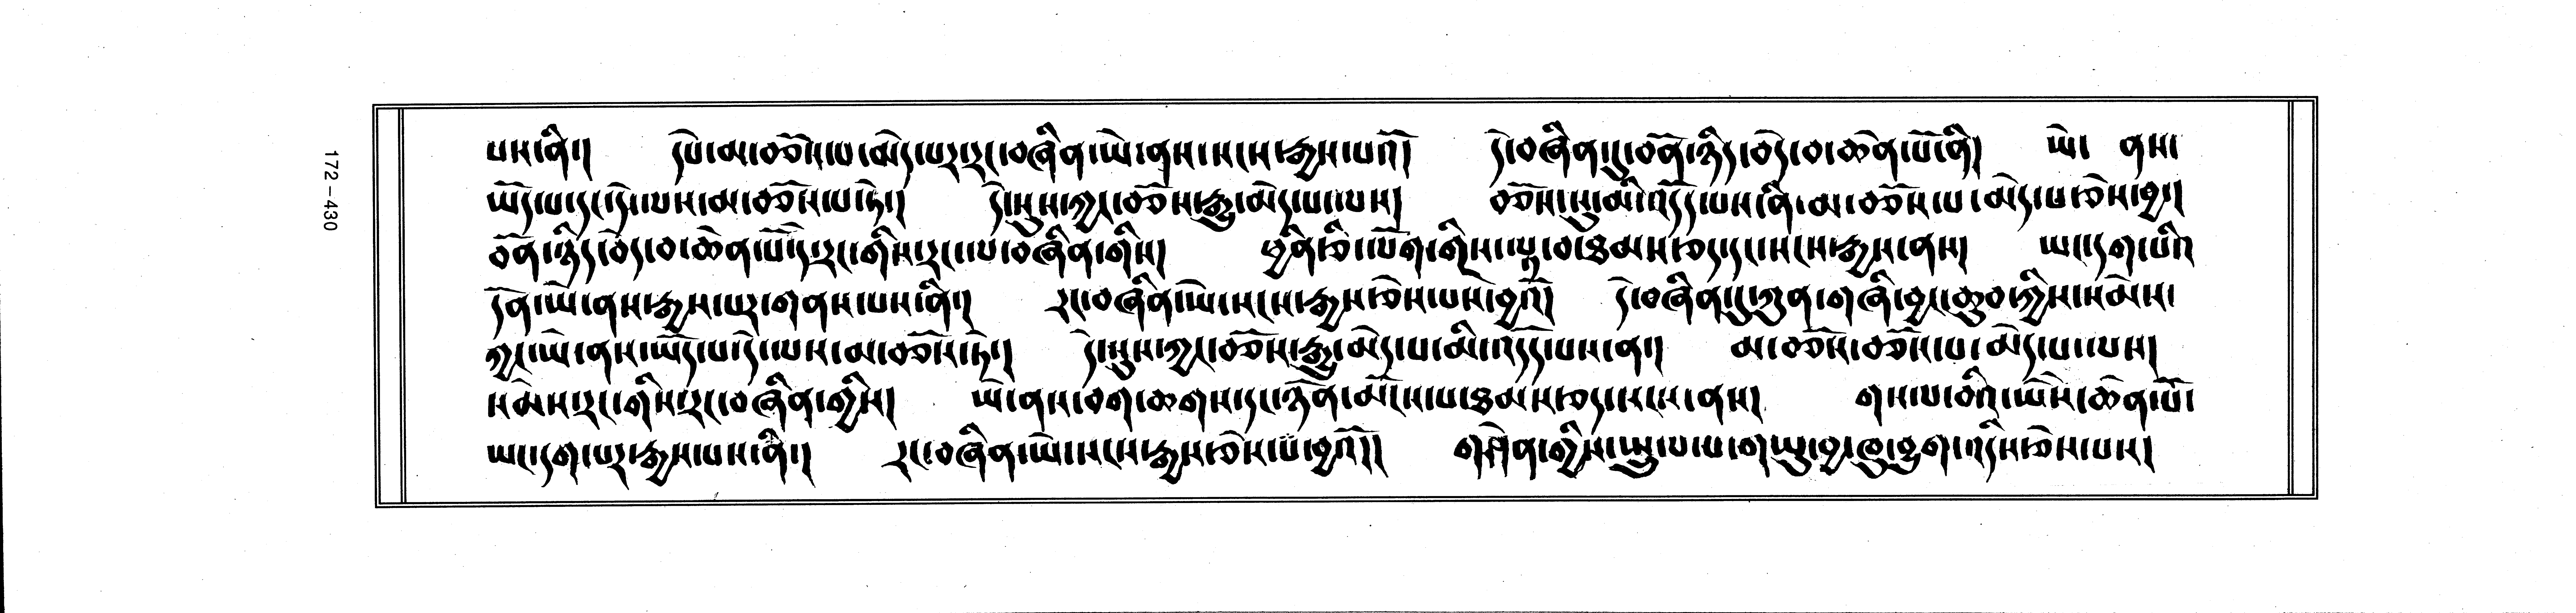པས་ནི། དཔེ་མ་བཅོས་པ་མེད་པར་རང་བཞིན་ཡེ་ནས་སངས་རྒྱས་པའོ། དེ་བཞིན་དུ་བོན་ཉིད་བདེ་བ་ཆེན་པོ་ནི། ཡེ་ནས་
ཡོད་པ་དང་དེ་ལས་མ་བཅོས་པ་ཏེ། དེ་སུས་ཀྱང་བཅོས་རྒྱུ་མེད་པ་ལས། བཅོས་སུ་མི་འདོད་པས་ནི་མ་བཅོས་པ་མེད་པ་ཅེས་བྱ། 
བོན་ཉིད་བདེ་བ་ཆེན་པོ་དེ་རང་གིས་རང་ལ་བཞིན་གིས། ཕྱིན་ཅི་ལོག་གིས་ལྟ་བ་ཐམས་ཅད་དང་སངས་རྒྱས་ནས། ཡང་དག་པའི་
དོན་ཡེ་ནས་རྒྱས་པར་གནས་པས་ནི། རང་བཞིན་ཡེ་སངས་རྒྱས་ཅེས་པས་བྱའོ། དེ་བཞིན་དུ་ཀུན་གཞི་བྱང་ཆུབ་ཀྱིས་སེམས་
ཀྱང་ཡེ་ནས་ཡོད་པ་དེ་ལས་མ་བཅོས་ཏེ། དེ་སུས་ཀྱང་བཅོས་རྒྱུ་མེད་པ་མི་འདོད་པས་ན། མ་བཅོས་བཅོས་པ་མེད་པ་ལས། 
སེམས་རང་གིས་རང་བཞིན་གྱིས། ཡེ་ནས་བག་ཆགས་དང་ཉོན་མོངས་པ་ཐམས་ཅད་སངས་ནས། གསལ་བའི་ཡེ་ཤེས་ཆེན་པོ་
ཡང་དག་པར་རྒྱས་པས་ནི། རང་བཞིན་ཡེ་སངས་རྒྱས་ཅེས་བྱའོ། གཤེན་གྱིས་སྤྲུལ་པ་གཡུ་བྱ་ཁུ་བྱུག་འདིས་ཅེས་པས།